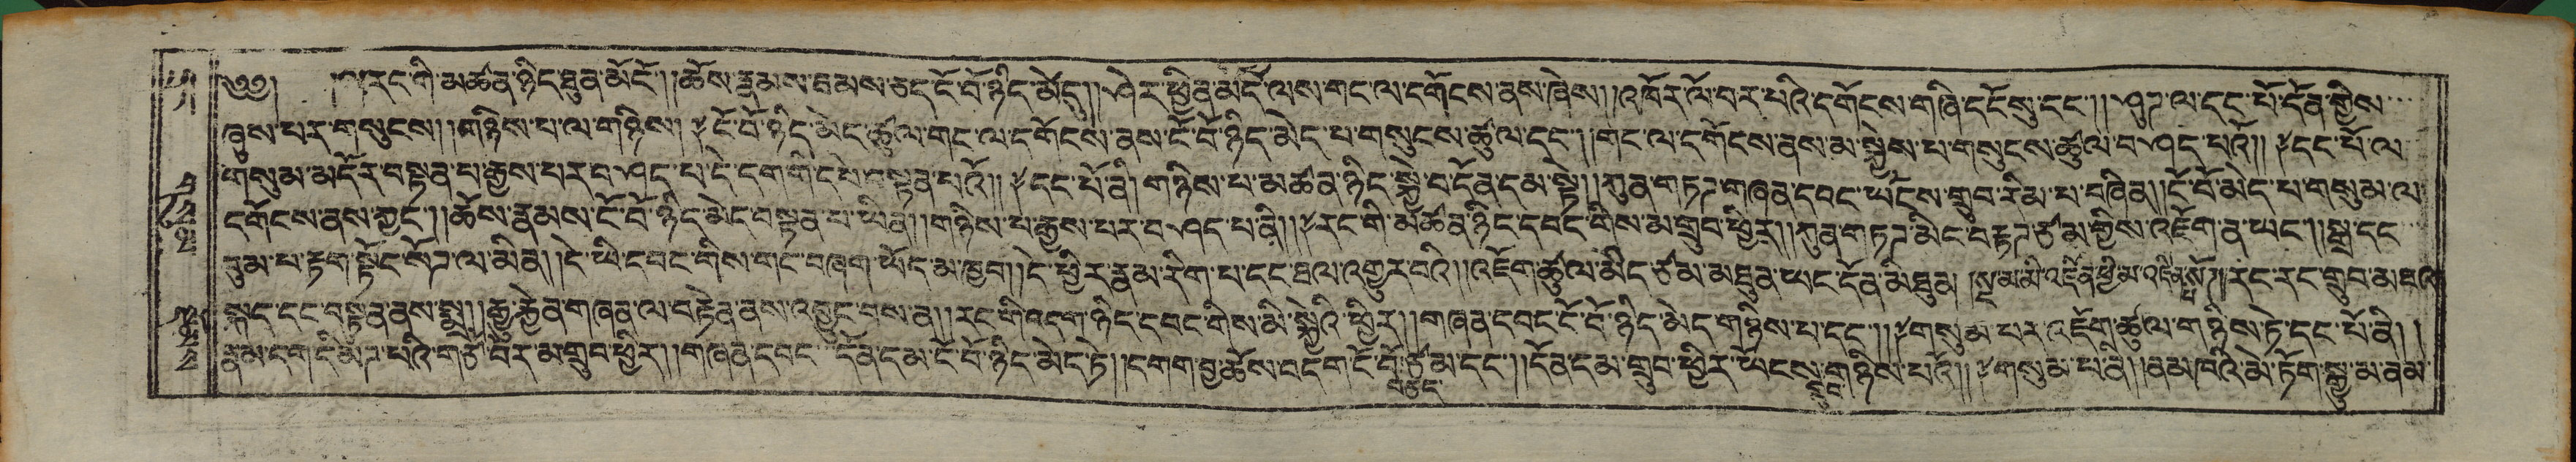༄༅། །ལ་རང་གི་མཚན་ཉིད་ཐུན་མོང་ངོ། །ཆོས་རྣམས་ཐམས་ཅད་ངོ་བོ་ཉིད་མེད་དུ། །ཤེར་ཕྱིན་མདོ་ལས་གང་ལ་དགོངས་ནས་ཞེས། །འཁོར་ལོ་བར་པའི་དགོངས་གཞི་དངོས་སུ་དང་། །ཤུགས་ལ་དང་པོ་དོན་གྱིས་
ཞུས་པར་གསུངས། །གཉིས་པ་ལ་གཉིས། ༈ །ངོ་བོ་ཉིད་མེད་ཚུལ་གང་ལ་དགོངས་ནས་ངོ་བོ་ཉིད་མེད་པ་གསུངས་ཚུལ་དང་། །གང་ལ་དགོངས་ནས་མ་སྐྱེས་པ་གསུངས་ཚུལ་བཤད་པའོ། ༈ །དང་པོ་ལ་
གསུམ་མདོར་བསྟན་པ་རྒྱས་པར་བཤད་པ་དེ་དག་གི་དཔེ་བསྟན་པའོ། ༈ །དང་པོ་ནི། གཉིས་པ་མཚན་ཉིད་སྐྱེ་བ་དོན་དམ་སྟེ། །ཀུན་གཏགས་གཞན་དབང་ཡོངས་གྲུབ་རིམ་པ་བཞིན། །ངོ་བོ་མེད་པ་གསུམ་ལ་
དགོངས་ནས་ཀྱང་། །ཆོས་རྣམས་ངོ་བོ་ཉིད་མེད་བསྟན་པ་ཡིན། །གཉིས་པ་རྒྱས་པར་བཤད་པ་ནི། ༈ །རང་གི་མཚན་ཉིད་དབང་གིས་མ་གྲུབ་ཕྱིར། །ཀུན་གཏགས་མིང་བརྟགས་བཏགས་ཙམ་གྱིས་འཇོག་ན་ཡང་། །སྒྲ་དང་
བུམ་པ་རྟག་སྟོང་སོགས་ལ་མིན། །དེ་ཡི་དབང་གིས་གང་བཞག་ཡོད་མ་ཁྱབ། །དེ་ཕྱིར་རྣམ་རིག་པ་དང་ཐལ་འགྱུར་བའི། །འཇོག་ཚུལ་མིང་ཙམ་མཐུན་ཡང་དོན་མི་མཐུན། །སྔ་མ་མི་འཛིན་ཕྱི་མ་འཛིན་པ་སོགས། །རང་རང་གྲུབ་མཐའ་
སྐད་དང་བསྟུན་ནས་སྨྲ། །རྒྱུ་རྐྱེན་གཞན་ལ་བརྟེན་ནས་འབྱུང་བས་ན། །རང་གི་བདག་ཉིད་དབང་གིས་མི་སྐྱེའི་ཕྱིར། །གཞན་དབང་ངོ་བོ་ཉིད་མེད་གཉིས་པ་དང་། ༈ །གསུམ་པར་འཇོག་ཚུལ་གཉིས་ཏེ་དང་པོ་ནི། །
རྣམ་དག་དམིགས་པའི་གཙོ་བོར་མ་གྲུབ་ཕྱིར། །གཞན་དབང་དོན་དམ་ངོ་བོ་ཉིད་མེད་ཏེ་དེ། །དགག་བྱ་ཆོས་བདག་ངོ་བོ་བཅད་ཙམ་དང་། །དོན་དམ་གྲུབ་ཕྱིར་ཡོངས་གྲུབ་གཉིས་པའོ། ༈ །གསུམ་པ་ནི། །ནམ་མཁའི་མེ་ཏོག་སྒྱུ་མ་ནམ་